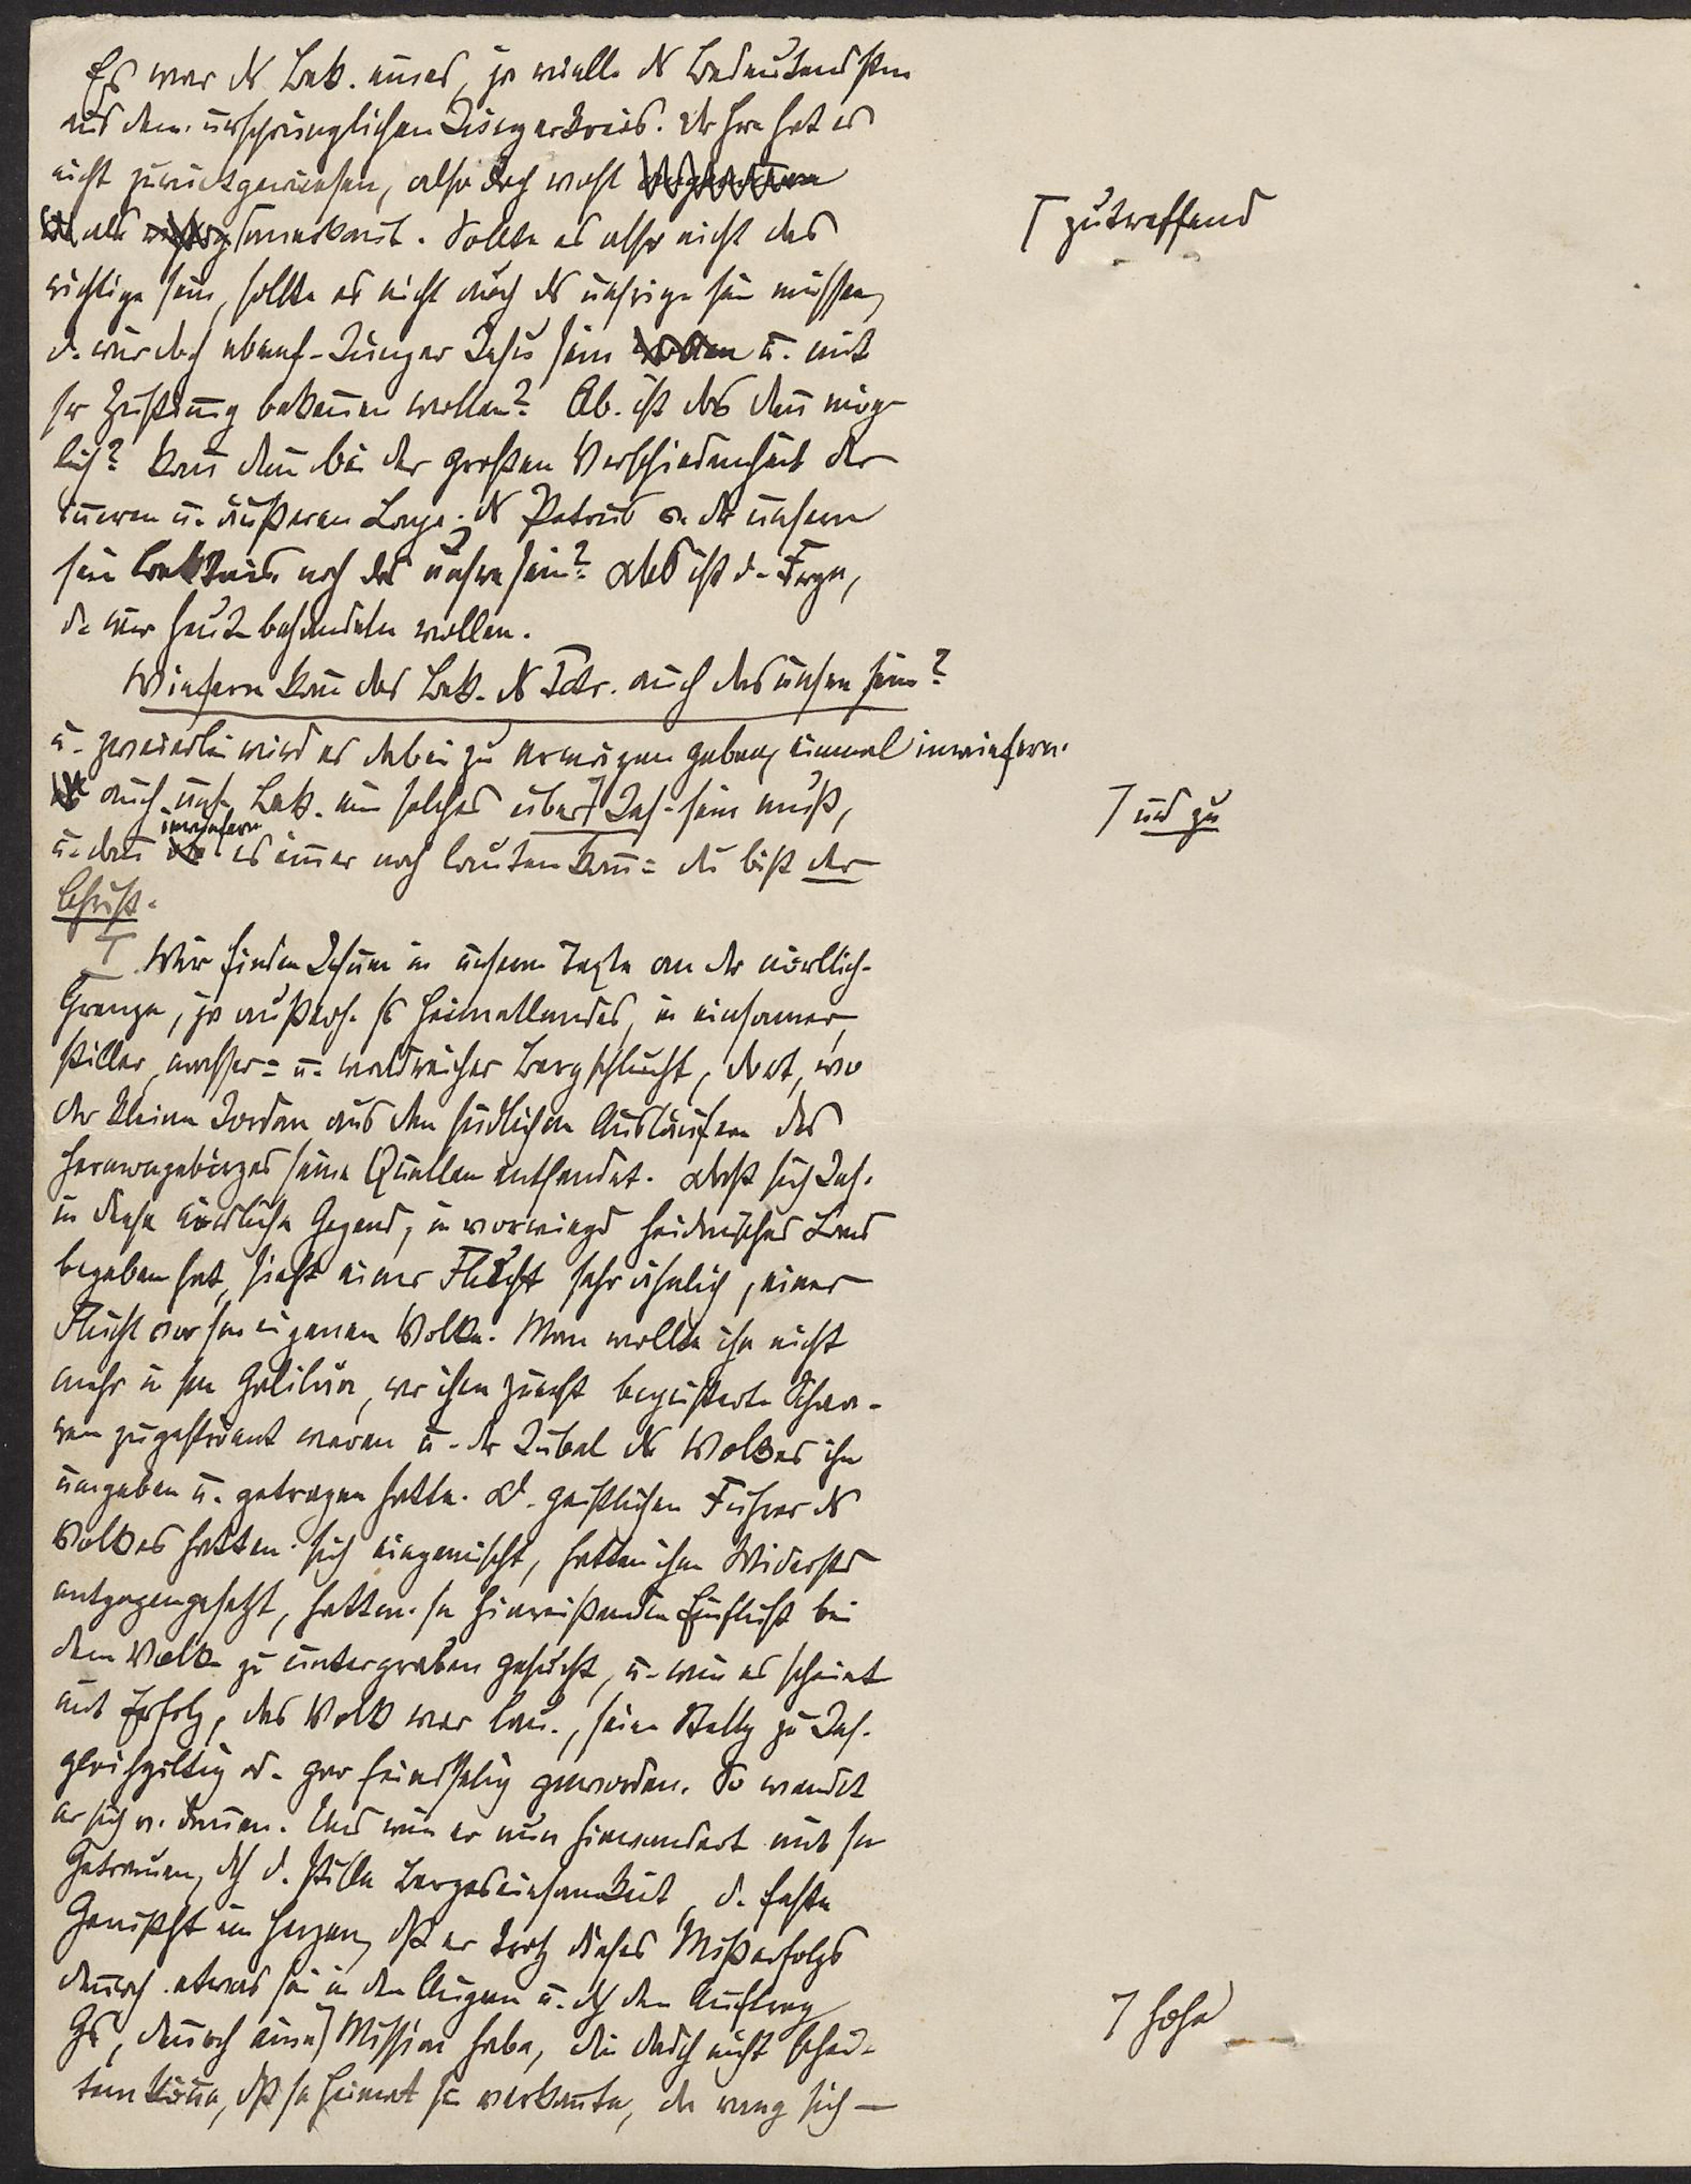Es war ds Bek. eines, ja viell. des Bedeutendsten
aus dem ursprünglichen Jüngerkreis. Dr Hr hat es
nicht zurückgewiesen, als doch wohl angenomen
u. als richtig anerkant. Sollte es also nicht das
richtige sein, sollte es nicht auch ds unsrige sein müssen,
d. wir doch ebens. Jünger Jesu sein wollen u. mit
sr Zustimg bekenen wollen? Ab. ist das den mög¬
lich? Kan den bei der großen Verschiedenheit der
ineren und äußeren Lage ds Petrus v. dr. unsern
sein Bektnis noch das unsre sein? Das ist d. Frage,
d. wir heute behandeln wollen.
Wiefern kan das Bek. ds. Petr. auch das unsre sein?
u. zweierlei wird es dabei zu erwägen geben, einmal inwiefern.
es auch uns. Bek. ein solches über ] Jes. sein muß,
inweifern
u. dan es imer noch lauten kan: du bist der
Christ.
I. Wir finden Jesu in unserm Texte an der nördlich.
Grenze, ja außerh. ss Heimatlandes, in einsamer,
stiller, wasser- und waldreicher Bergschlucht, dort, wo
der kleine Jordan aus dem südlichen Auslaufes des
Hermongebirges seine Quellen entsendet. Daß sich Jes.
in diese nördliche Gegend, in vorwiegd heidnisches Land
begeben hat, sieht einer Flucht sehr ähnlich, einer
Fluch vor sm eigenen Volke. Man wollte ihn nicht
mehr in sm Galiläa, wo ihm zuerst begeisterte Schaa¬
ren zugeströmt waren u. dr Jubel ds Volkes ihn
umgeben u. getragen hatte. D. geistlichen Führer ds
Volkes hatten sich eingemisch, hatten ihm Widerstd
entgegengesetzt, hatten. sn hinreißenden Einfluß bei
dem Volke zu untergraben gesucht, u. wie es scheint
mit Erfolg, das Volk war lau., seine Stellg zu Jes.
gleichgültig od. gar feindselig geworden. So wendet
er sich v. danen. Und wie er nun hinwandert mit sn
Getreuen, dach d. stille Bergeseinsamkeit, d. feste
Gewißht im Herzen, dß er trotz diese Mißerfolgs
denoch. etwas sei in den Augen u. dch den Auftrag
Gs, denoch eine ] Mission habe, die dadch nicht schei¬
tern köne, daß sn Heimat ihn verkante, da rang sich
zutreffend
und zu
] hohe